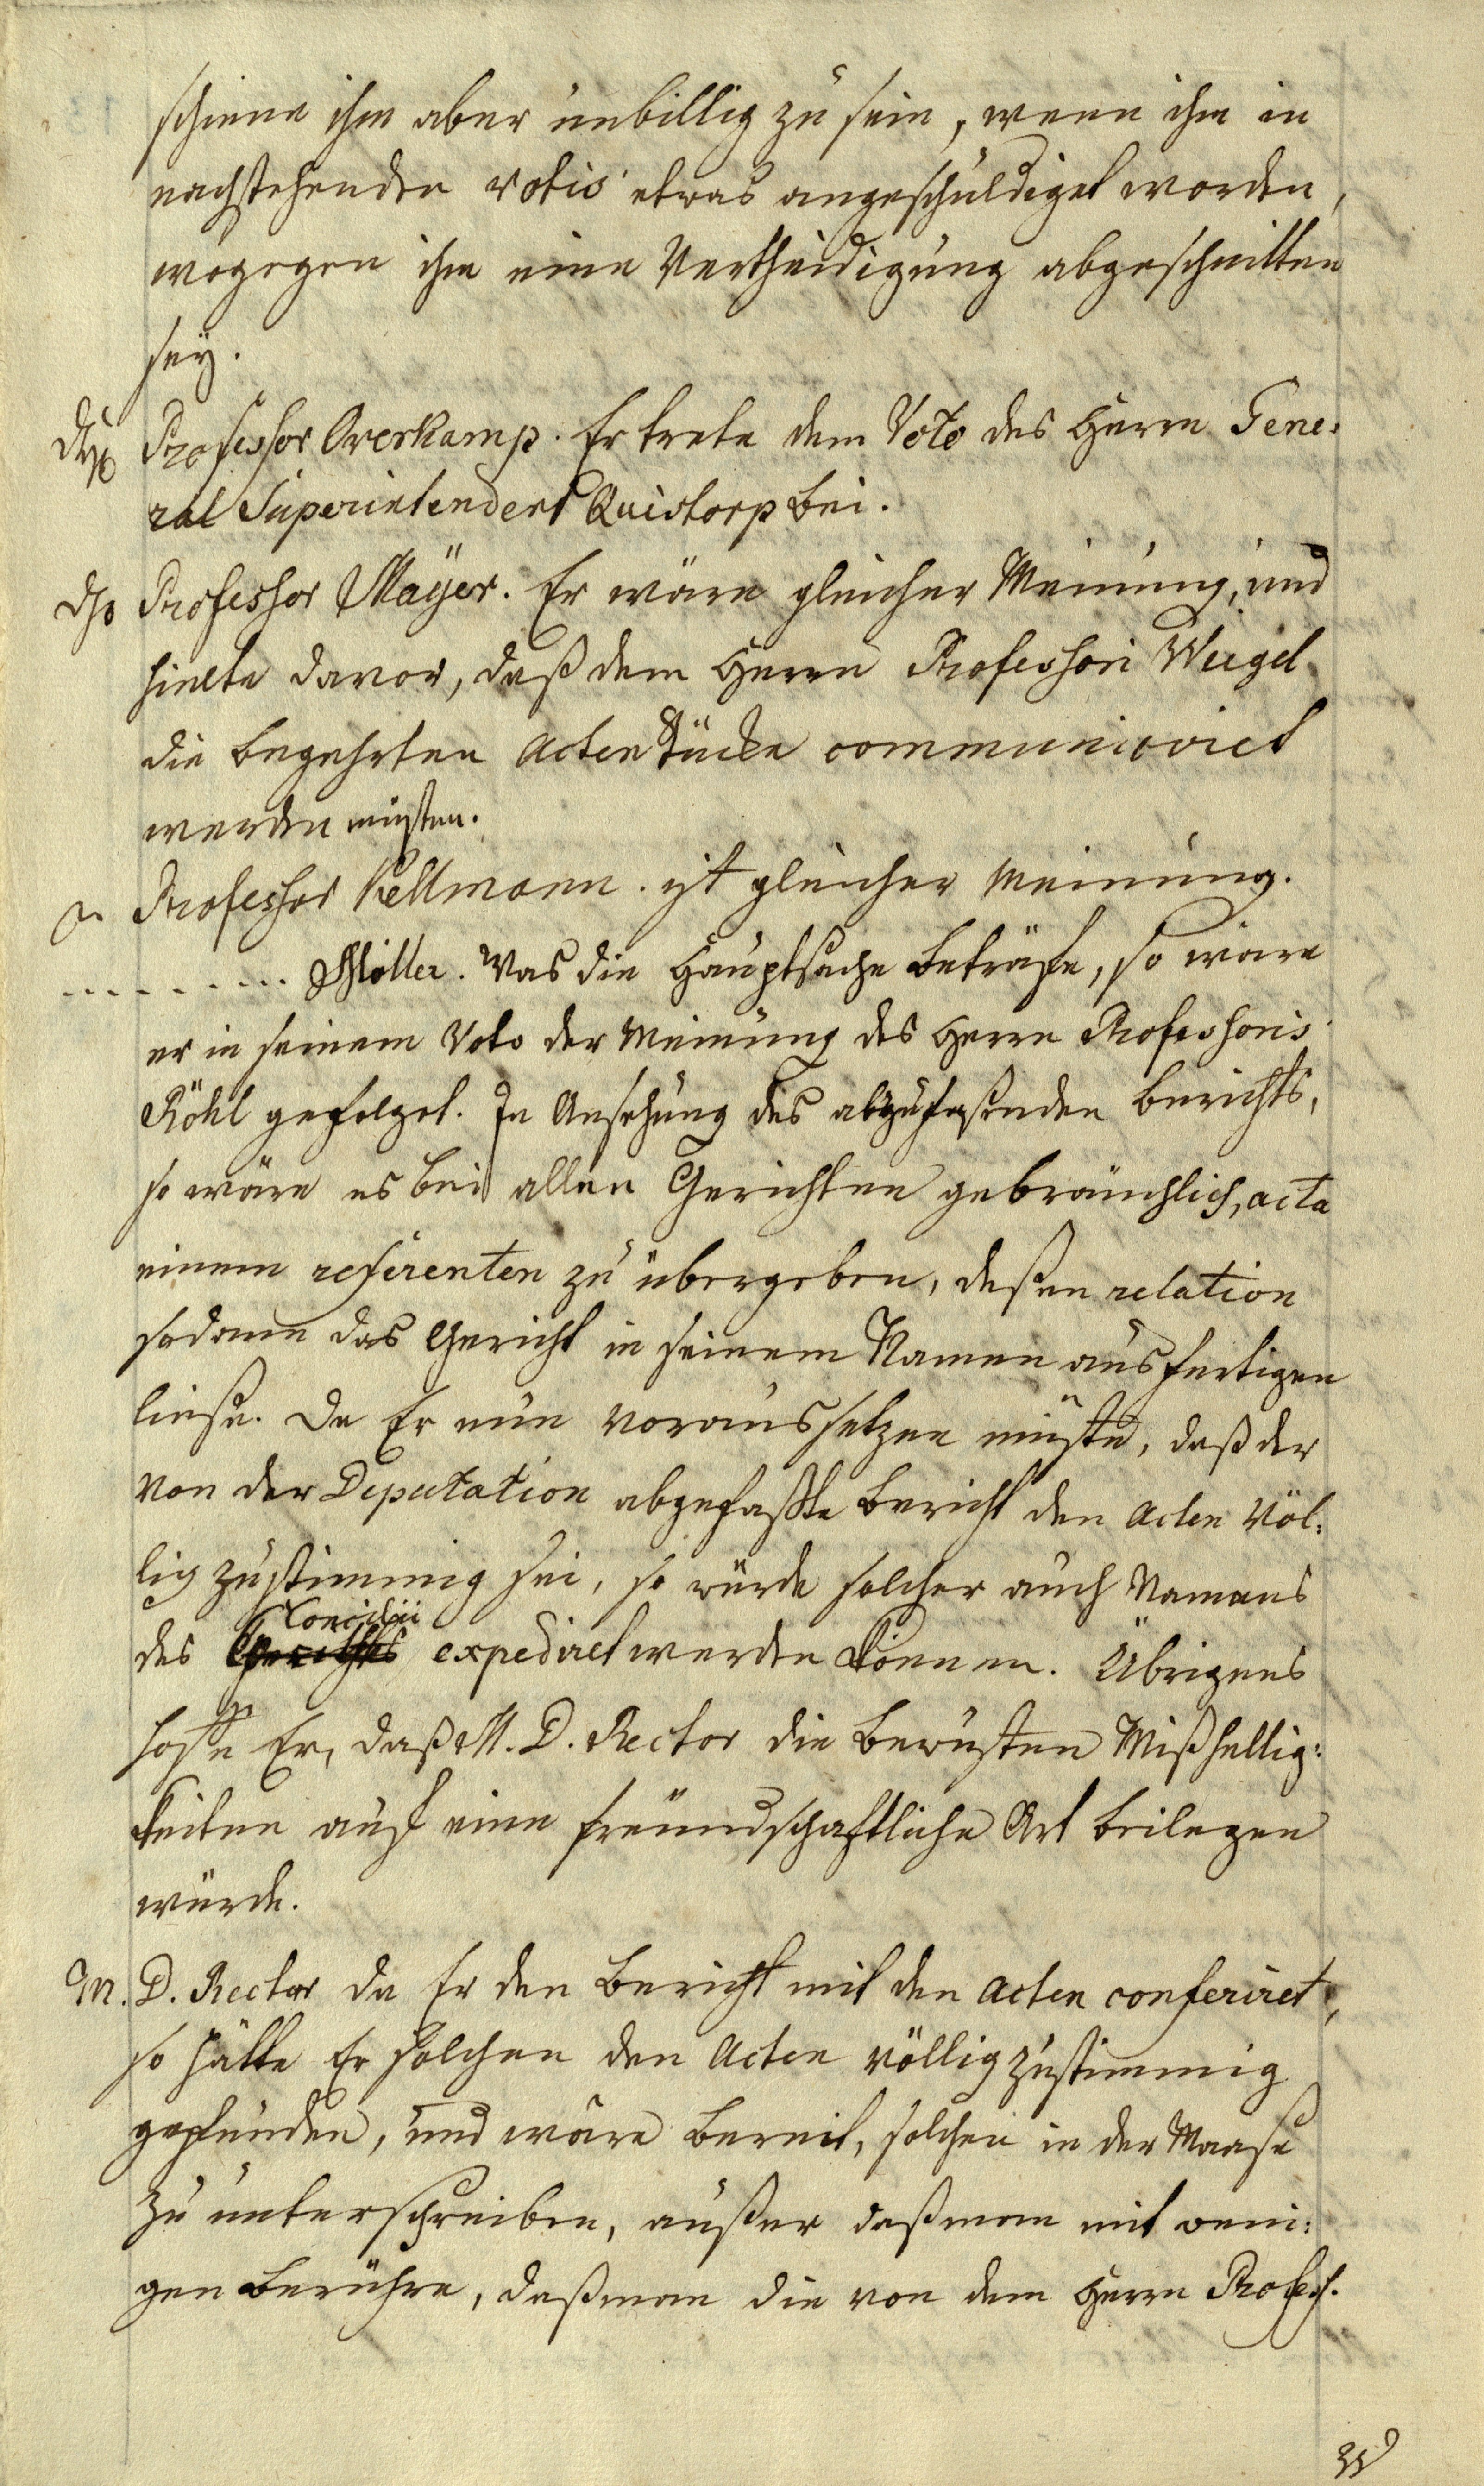schiene ihm aber unbillig zu sein, wenn ihm in
nachstehenden votis etwas angeschuldiget worden,
wogegen ihm eine Vertheidigung abgeschnitten
seÿ.
dh Professor Overkamp. Er trete dem Voto des Herrn Gene¬
ral Superintendent Quistorp bei.
dh Professor Maÿer. Er wäre gleicher Meinung, und
hielte davor, daß dem Herrn Professori Weigel
die begehrten Actenstücke communiciret
werden müsten.
u Professor Kellmann. ist gleicher Meinung.
Möller. Was die Hauptsache beträfe, so wäre
er in seinem Voto der Meinung des Herrn Professoris
Röhl gefolget. In Ansehung des abzufaßenden Berichts,
so wäre es bei allen Gerichten gebräuchlich, acta
einem referenten zu übergeben, deßen relation
sodann das Gericht in seinem Namen ausfertigen
ließe. da Er nun voraussetzen müste, daß der
von der Deputation abgefaßte Bericht den Acten völ¬
lig zustimmig sei, so würde solcher auch Namens
Concilii
des Gerichtes expediret werden können. Übrigens
hoffe Er, daß M. D. Rector die bewusten Mißhellig¬
keiten auf eine freundschaftliche Art beilegen
würde.
M. D. Rector da Er den Bericht mit den Acten conferiret,
so hätte Er solchen den Acten völlig zustimmig
gefunden, und wäre bereit, solchen in der Maaße
zu unterschreiben, außer daß man mit weni¬
gen berühre, daß man die von dem Herrn Profes
s